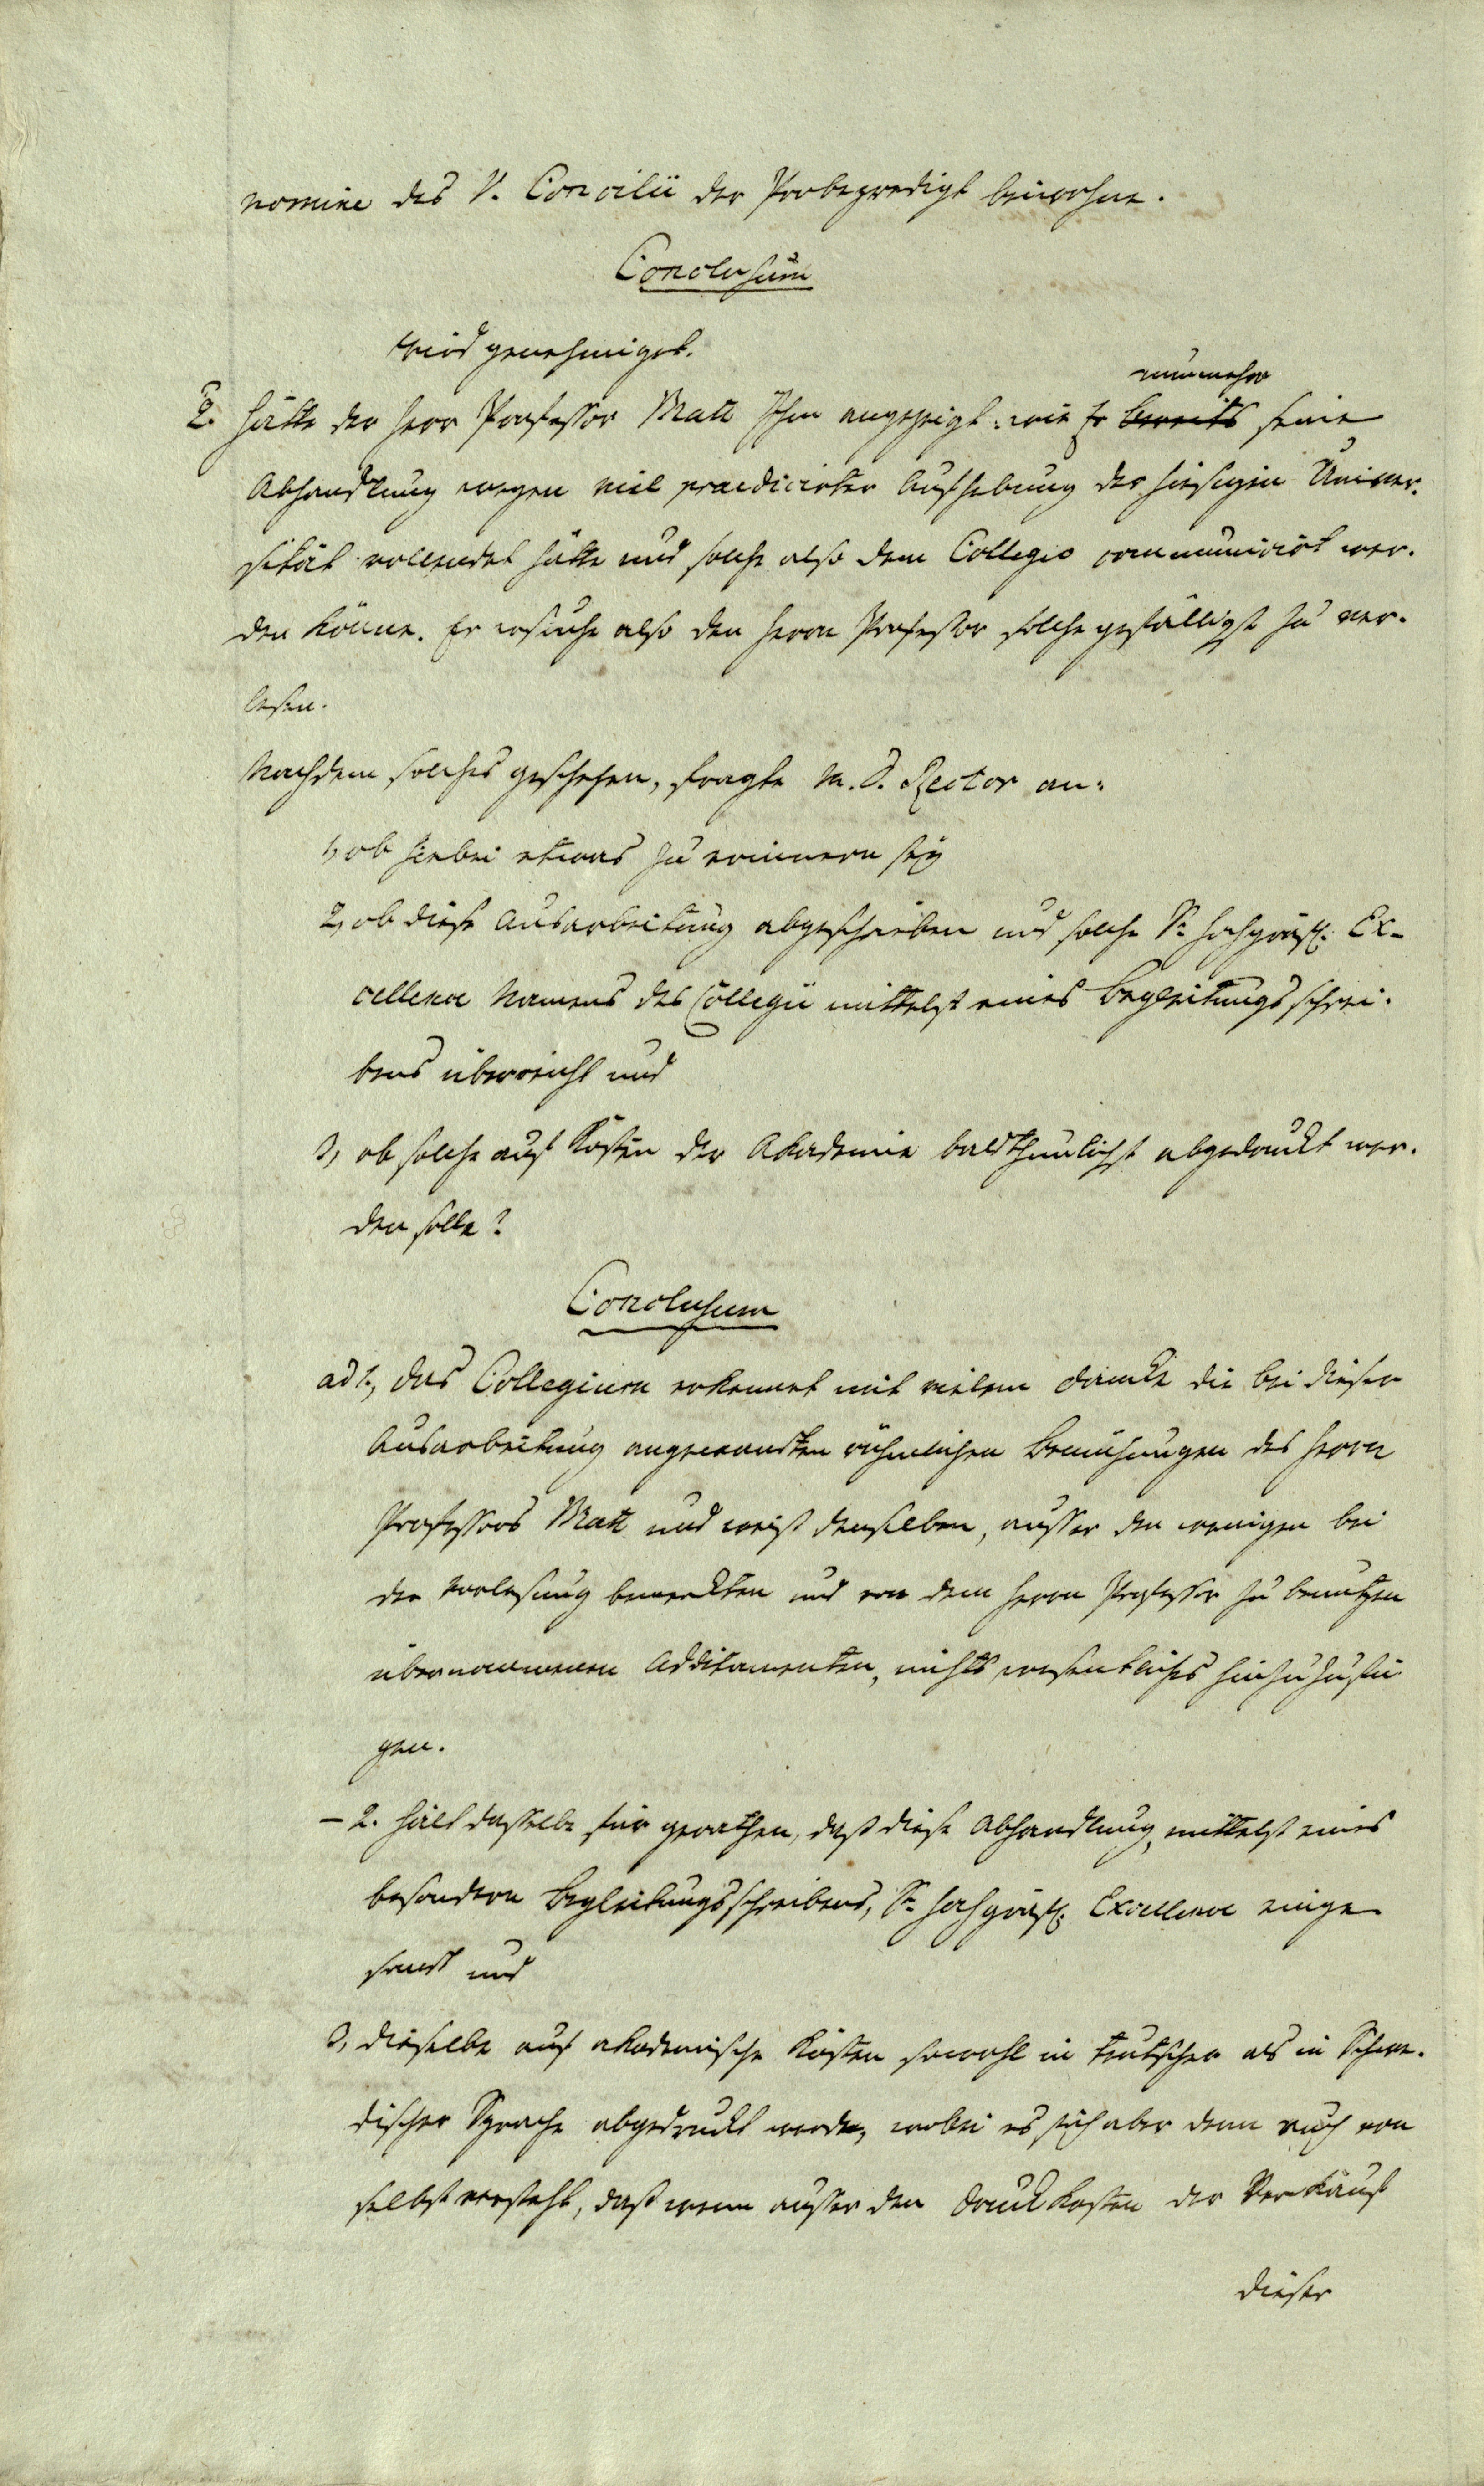nomine des V. Concilii der Probepredigt beiwohne.
Conclusum
Wird genehmiget.
nunmehro
2. Hätte der Herr Professor Bratt Ihm angezeigt, wie Er bereits seine
Abhandlung wegen viel praedicirter Aufhebung der hiesigen Univer¬
sität vollendet hätte und solche also dem Collegio communicirt wer¬
den könne. Er ersuche also den Herrn Professor solche gefälligst zu ver¬
lesen.
Nachdem solches geschehen, fragte M. D. Rector an:
1, ob hiebei etwas zu erinnern seÿ
2., ob diese Ausarbeitung abgeschrieben und solche Sr Hochgräfl. Ex¬
cellence Namens des Collegii mittelst eines Begleitungsschrei¬
bens überreicht und
3, ob solche auf Kosten der Akademie baldthunlichst abgedruckt wer¬
den solle?
Conclusum
ad 1, Das Collegium erkennet mit vielem Danke die bei dieser
Ausarbeitung angewandten rühmlichen Bemühungen des Herrn
Professors Bratt und weiß denselben, ausser den wenigen bei
der Vorlesung bemerkten und von dem Herrn Professor zu benutzen
übernommenen Additamenten, nichts wesentliches hinzuzufü¬
gen.
2. hält dasselbe für gerathen, daß diese Abhandlung, mittelst eines
besondern Begleitungsschreibens, S. Hochgräfl. Excellence einge¬
sandt und
3, dieselbe auf akademische Kosten sowohl in teutscher als in Schwe¬
discher Sprache abgedruckt werden, wobei es sich aber denn auch von
selbst versteht, daß wenn ausser den Druckkosten der Verkauf
dieser